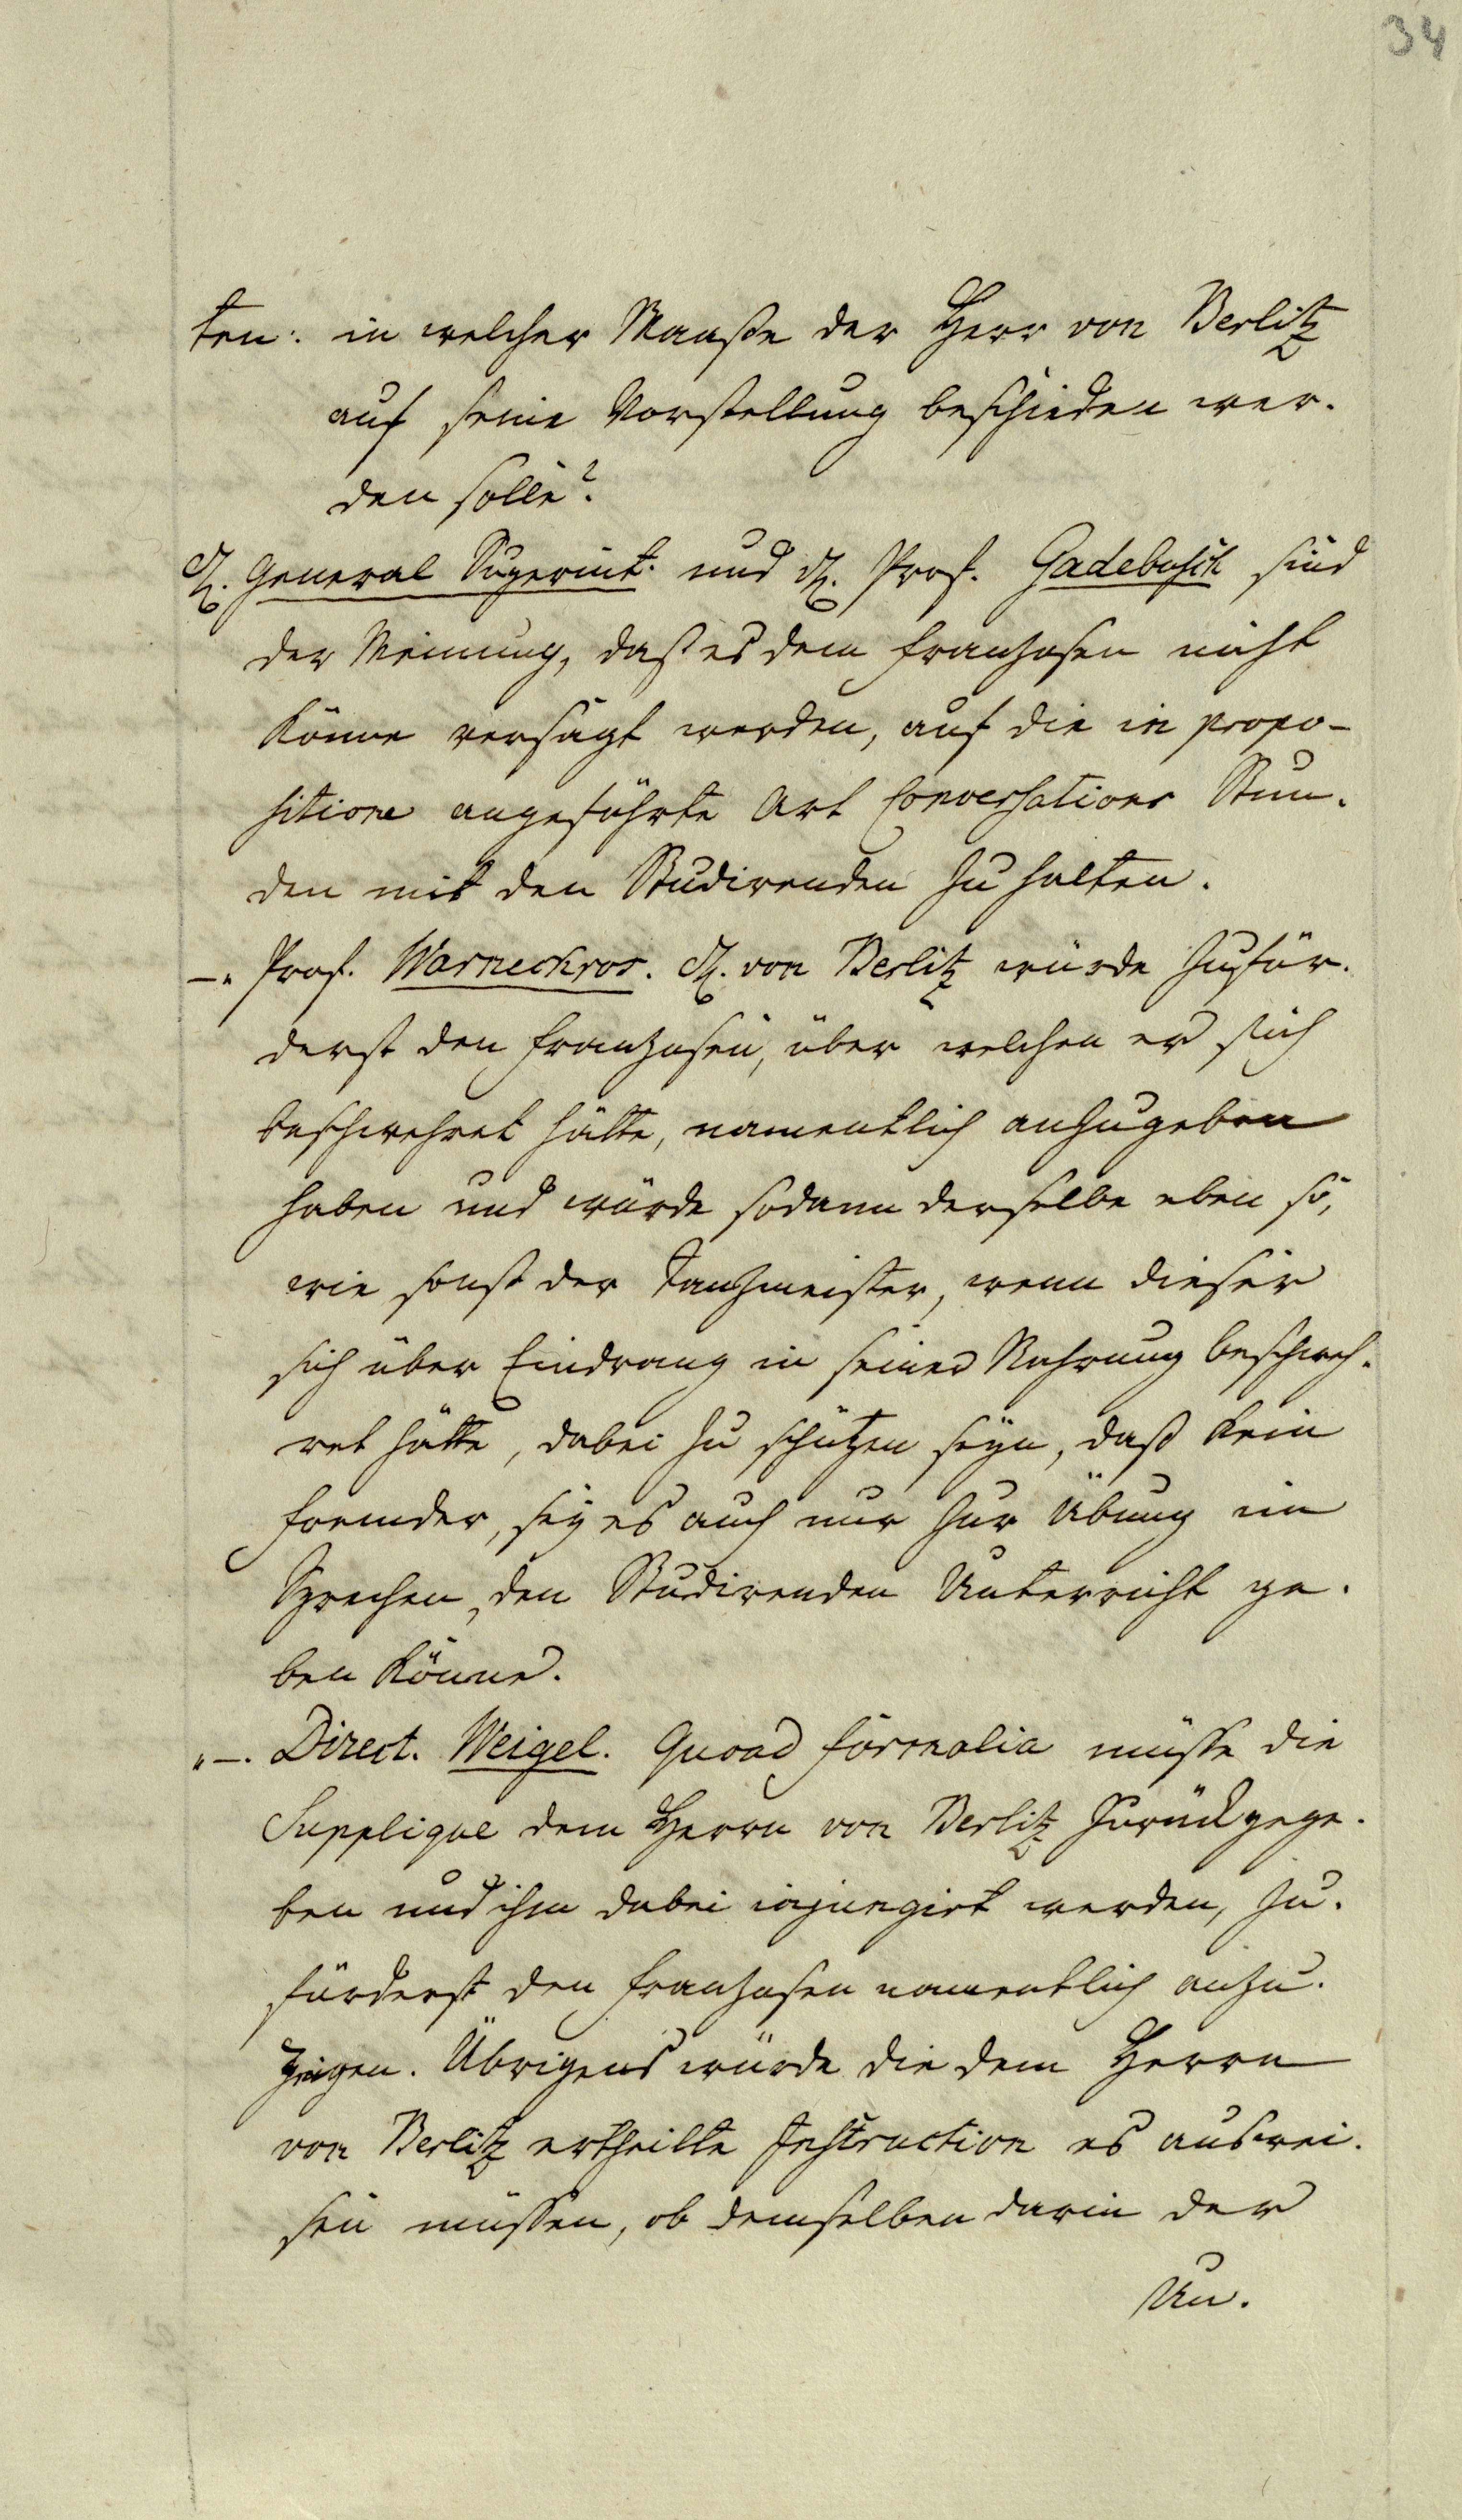ten: in welcher Maaße der Herr von Berlitz
auf seine Vorstellung beschieden wer¬
den solle?
dh. General Superint. und dh. Prof. Gadebusch sind
der Meinung, daß es dem Franzosen nicht
könne versagt werden, auf die in propo¬
sitione angeführte Art Conversations Stund¬
den mit den Studirenden zu halten.
— " Prof. Warneckros. dh. von Berlitz würde zuför¬
derst den Franzosen, über welchen er sich
beschwehret hätte, namentlich anzugeben
haben und würden sodann derselbe eben so,
wie sonst der Tanzmeister, wenn dieser
sich über Eindrang in seiner xxx beschweh¬
ret hätte, dabei zu schützen seÿn, daß kein
fremder, seÿ es auch nur zur Übung im
Sprechen, den Studirenden Unterricht ge¬
ben könne.
" — . Direct. Weigel. Quoad Formalia müsse die
Supplique dem Herrn von Berlitz zurückgege¬
ben und ihm dabei injungirt werden, zu¬
förderst den Franzosen namentlich anzu¬
zeigen. Übrigens würde die dem Herrn
von Berlitz ertheilte Instruction es auswei¬
sen müssen, ob demselben darin der
Un¬